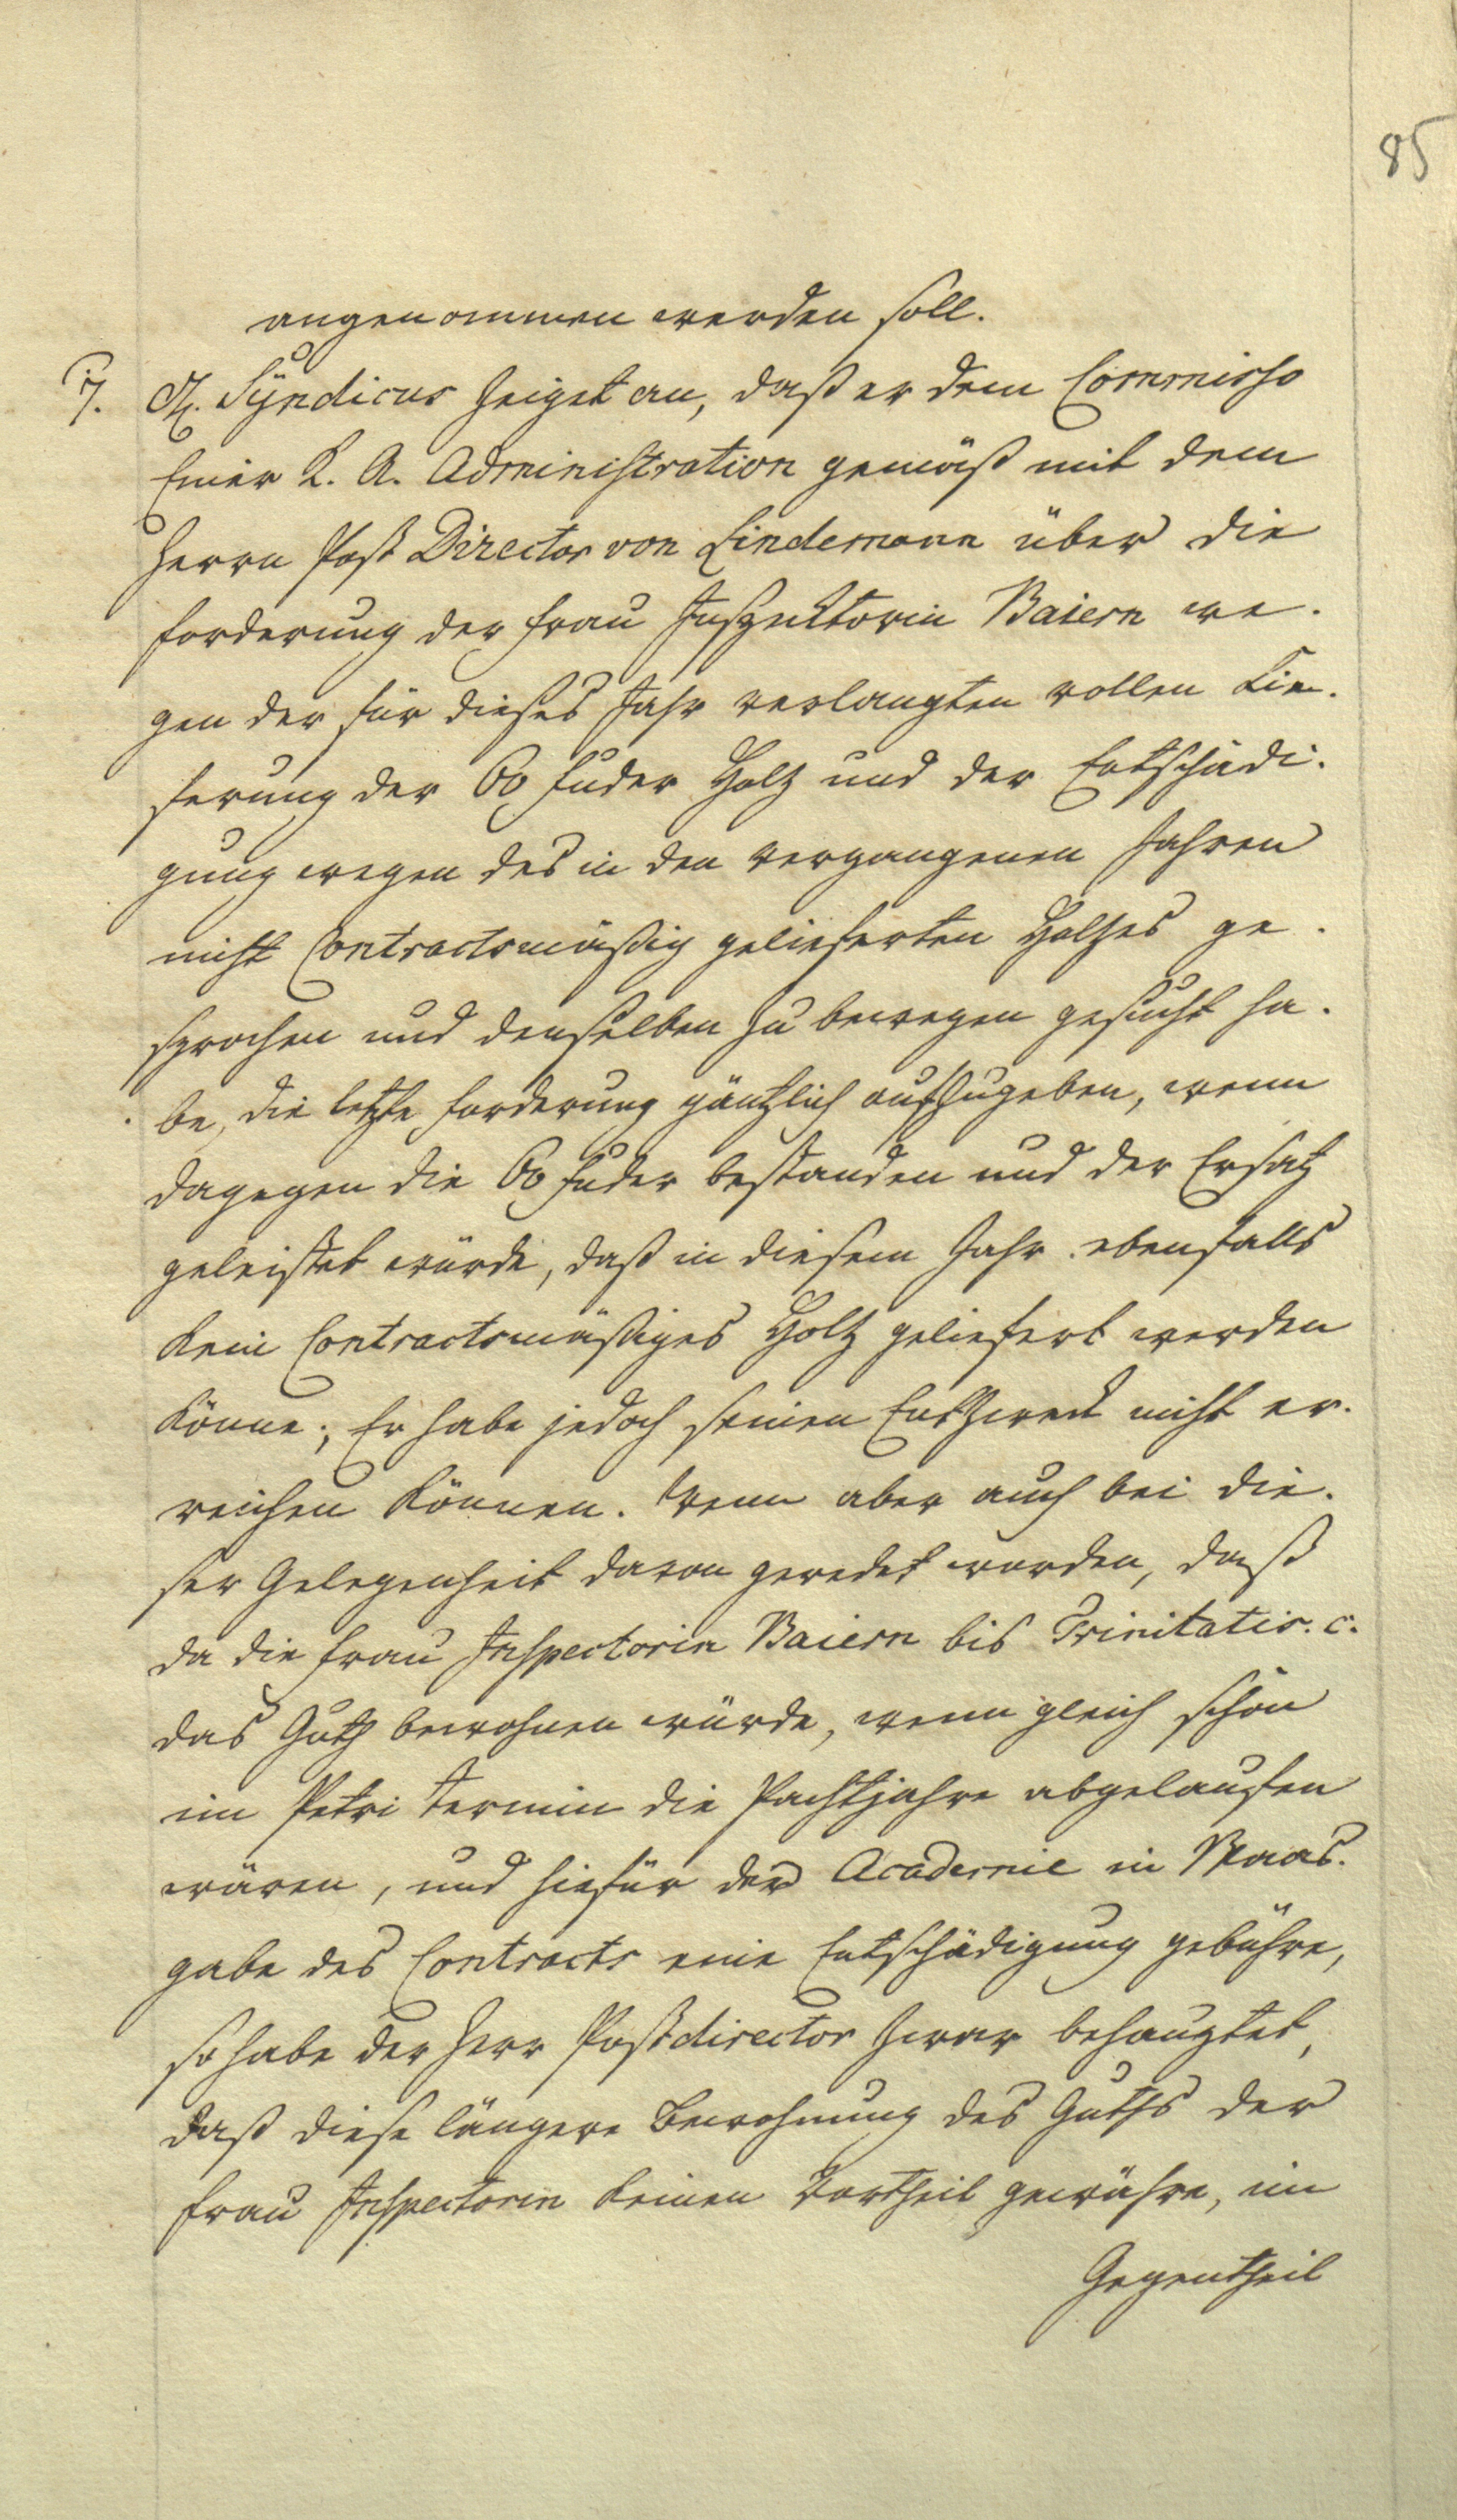angenommen werden soll.
7. dh. Sÿndicus zeiget an, daß er dem Commisso
einer K. A. Administration gemäß mit dem
Herrn Post Director von Lindemann über die
Forderung der Frau Inspektorin Baiern we¬
gen der für dieses Jahr verlangten vollen Lie¬
ferung der 60 Fuder Holz und der Entschädi¬
gung wegen des in den vergangenen Jahren
nicht Contractsmäßig gelieferten Holzes ge¬
sprochen und denselben zu bewegen gesucht ha¬
be, die letzte Forderung gäntzlich aufzugeben, wenn
dagegen die 60 Fuder bestanden und der Ersatz
geleistet würde, daß in diesem Jahr ebenfalls
kein Contractsmäßiges Holz geliefert werden
könne; Er habe jedoch seinen Entzweck nicht er¬
reichen können. Wenn aber auch bei die¬
ser Gelegenheit davon geredet worden, daß
da die Frau Inspectoren Baiern bis Trinitatis. c.
das Guth bewohnen würde, wenn gleich schon
im Petri Termin die Pachtjahre abgelaufen
wären, und hiefür der Academie in Maas¬
gabe des Contracts eine Entschädigung gebühre,
so habe der Herr Postdirector zwar behauptet,
daß diese längere Bewohnung des Guths der
Frau Inspectorin keinen Vortheil gewähre, im
Gegentheil